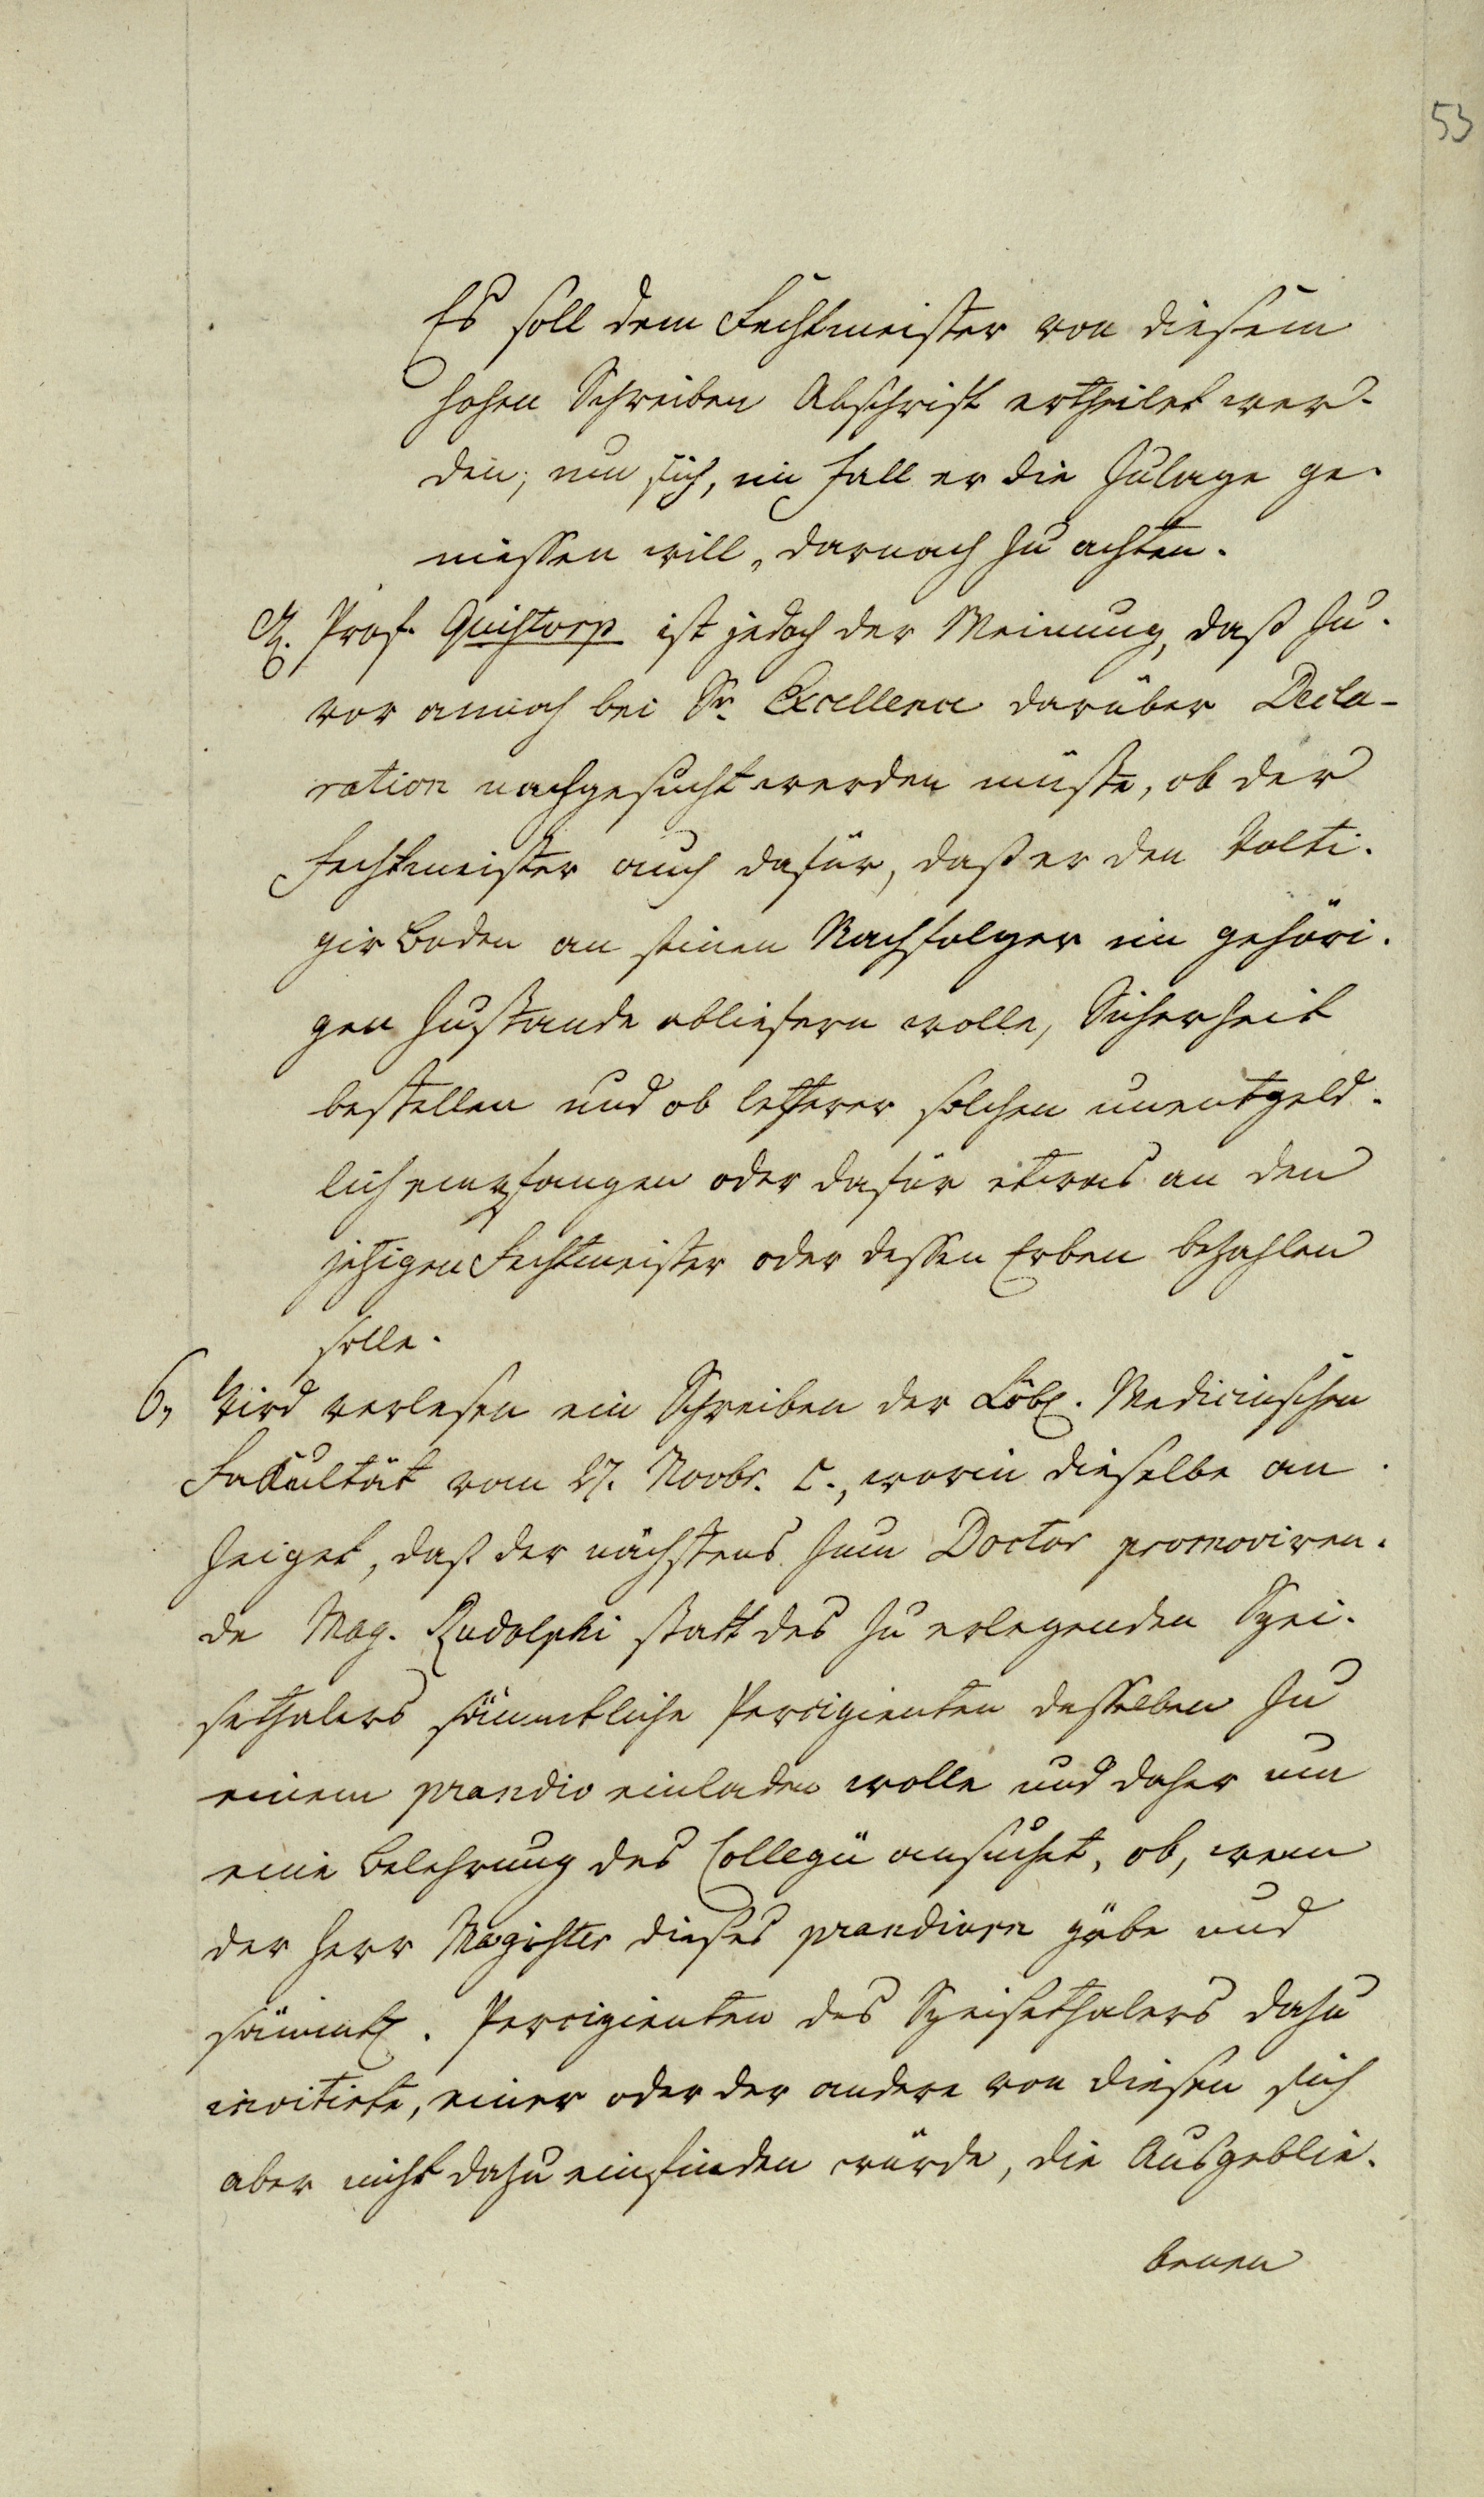Es soll dem Fechtmeister von diesem
hohen Schreiben Abschrift ertheilet wer¬
den; um sich, im Fall er die Zulage ge¬
niessen will, darnach zu achten.
dh. Prof. Quistorp. ist jedoch der Meinung, daß zu¬
vor annoch bei Sr Excellence darüber Decla¬
ration nachgesucht werden müßte, ob der
Fechtmeister auch dafür, daß er den Volti¬
gir Boden an seinen Nachfolger im gehöri-
gen Zustande abliefern wolle, Sicherheit
bestellen und ob letzterer solchen unentgeld¬
lich empfangen oder dafür etwas an den
jetzigen Fechtmeister oder dessen Erben bezahlen
solle.
6. Wird verlesen ein Schreiben der Löbl. Medicinischen
Fakultät vom 27. Novbr. c., worin dieselbe an¬
zeiget, daß der nächstens zum Doctor promoviren
de Mag. Rudolphi statt des zu erlegenden Spei¬
sethalers sämmtliche Percipienten desselben zu
einem prandio einladen wolle und daher um
eine Belehrung des Collegii ansuchet, ob, wenn
der Herr Magister dieses prandium gäbe und
sämmtl. Percipienten des Speisethalers dazu
invitirte, einer oder der andere von diesen sich
aber nicht dazu einfinden würde, die Ausgeblie¬
benen